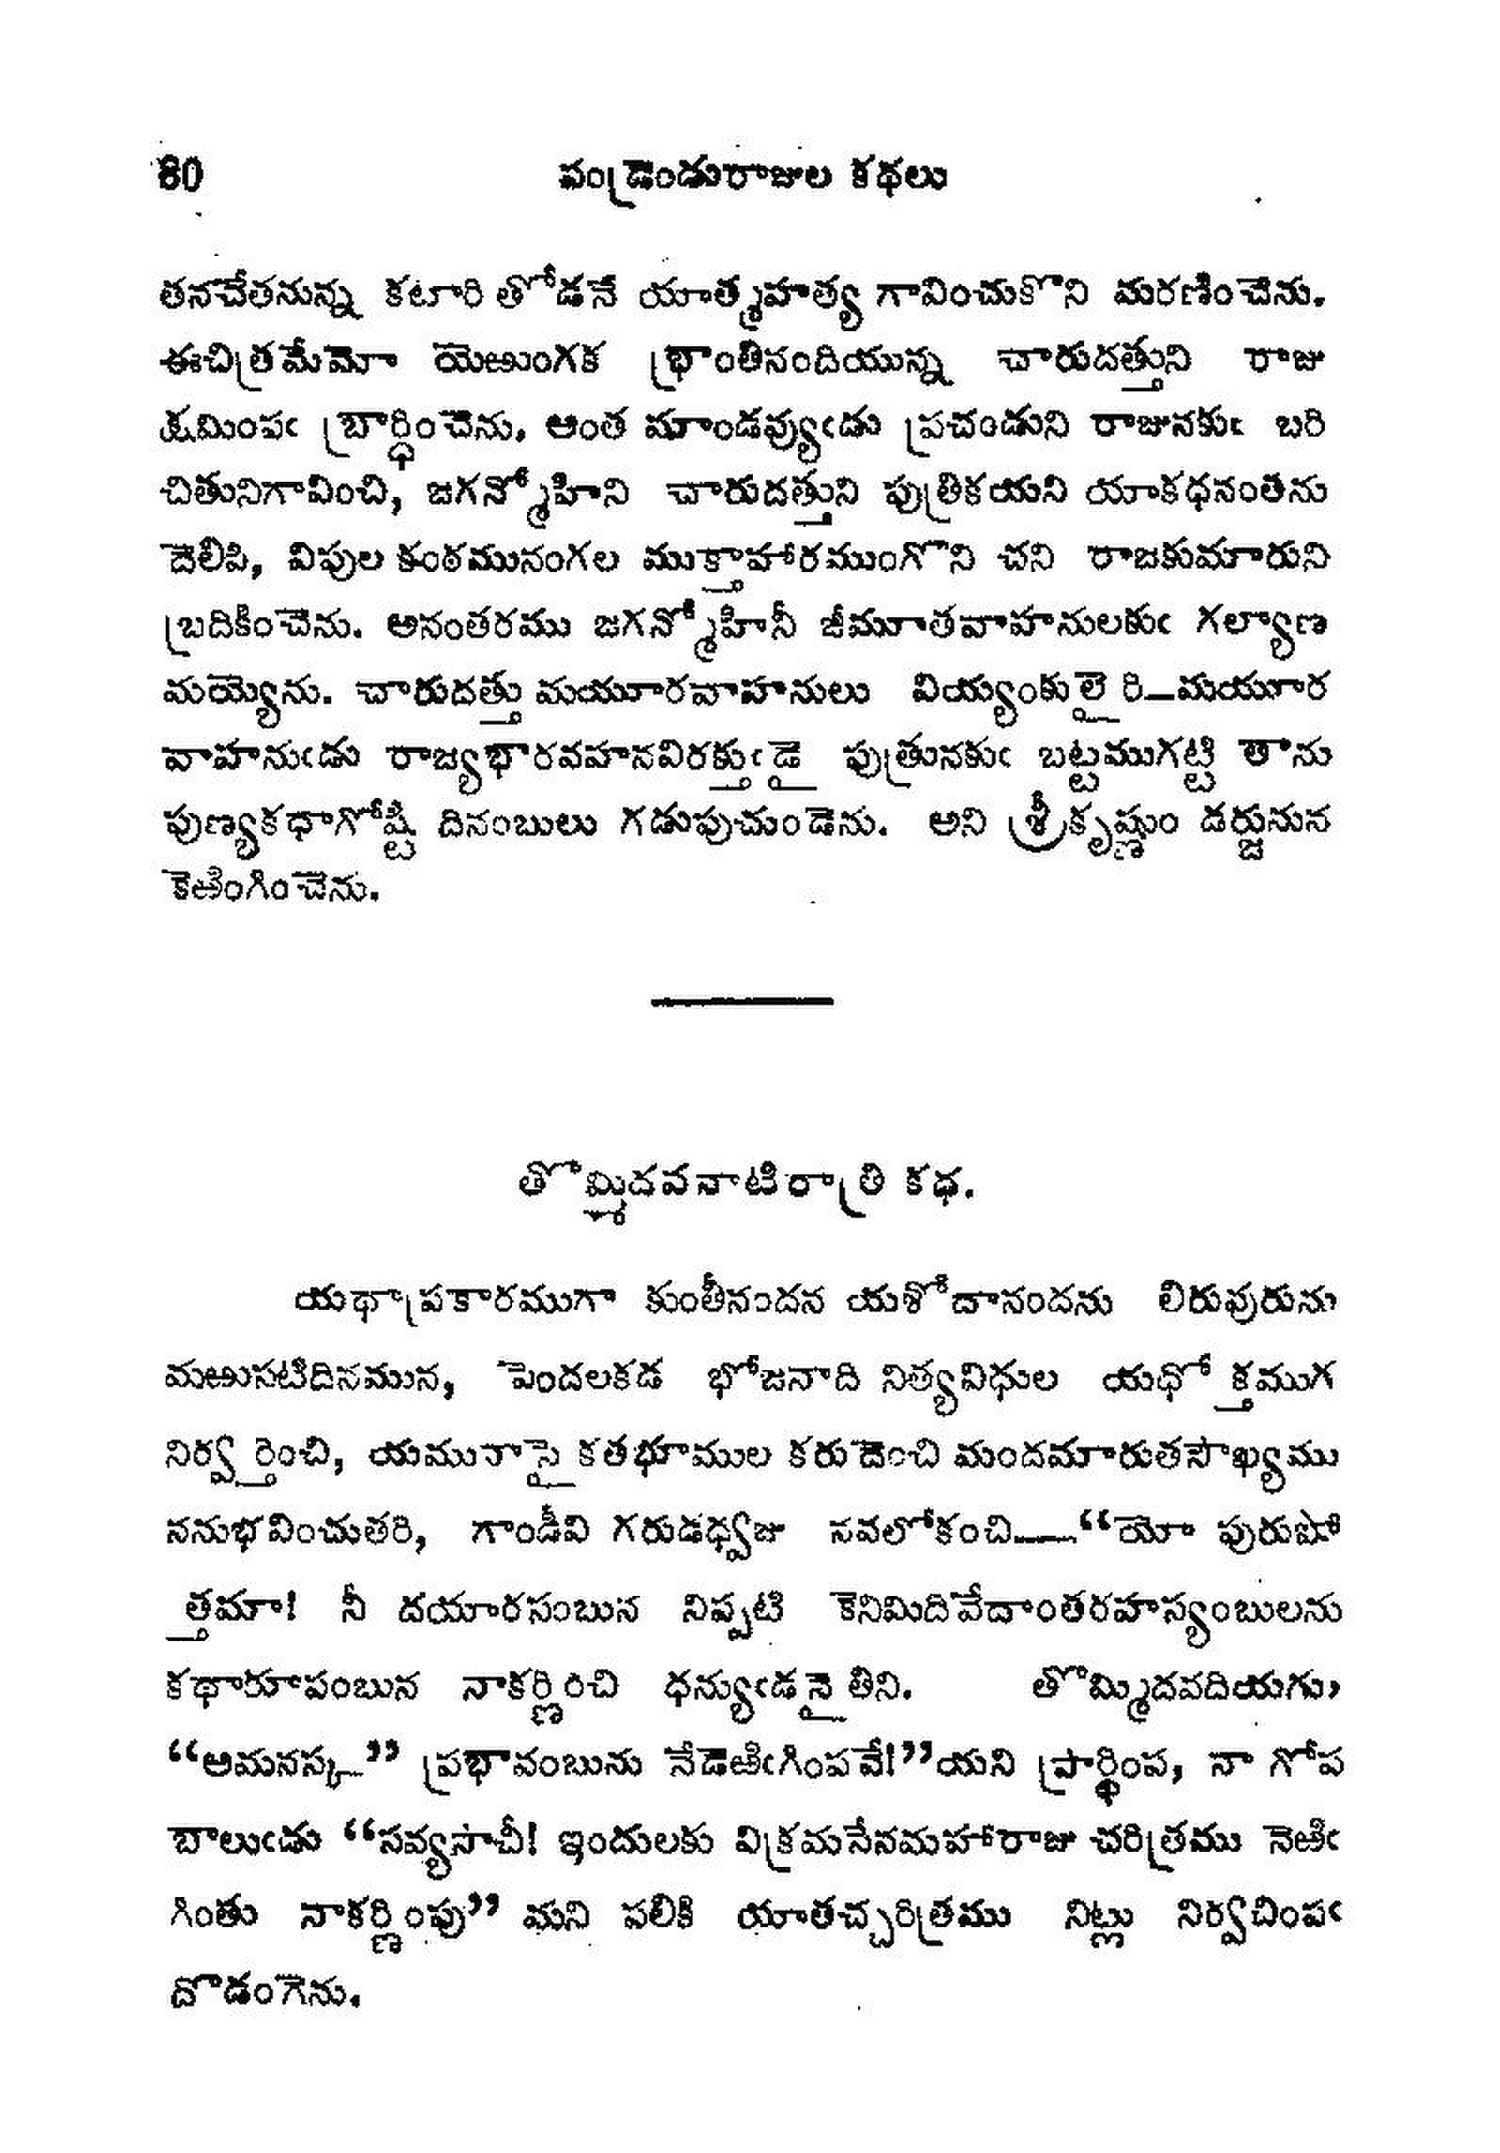తనచేతనున్న కటారి తోడనే యాత్మహత్య గావించుకొని మరణించెను. ఈచిత్రమేమో యెఱుంగక భ్రాంతినందియున్న చారుదత్తుని రాజు క్షమింపఁ బ్రార్థించెను. అంత మాండవ్యుడు ప్రచండుని రాజునకుఁ బరిచితునిగావించి, జగన్మోహిని చారుదత్తుని పుత్రికయని యాకధనంతను దెలిపి, విపుల కంఠమునంగల ముక్తాహారముంగొని చని రాజకుమారుని
బ్రదికించెను. అనంతరము జగన్మోహినీ జీమూతవాహనులకుఁ గల్యాణ మయ్యెను. చారుదత్తు మయూరవాహనులు వియ్యంకులైరి——మయూరవాహనుఁడు రాజ్యభారవహన విరక్తుఁడై పుత్రునకుఁ బట్టముగట్టి తాను పుణ్యకధా గోష్తి దినంబులు గడుపుచుండెను. అని శ్రీకృష్ణుం డర్జునున కెఱింగించెను.

యథాప్రకారముగా కుంతీనందన యశోదానందను లిరువురును మఱుసటిదినమున, పెందలకడ భోజనాది నిత్యవిధుల యధోక్తముగ నిర్వర్తించి, యమునాసైకతభూముల కరుదెంచి మందమారుతసౌఖ్యము ననుభవించుతరి, గాండీవి గరుడధ్వజు నవలోకంచి——"యో పురుషోత్తమా! నీ దయారసంబున నిప్పటి కెనిమిది వేదాంతరహస్యంబులను కథారూపంబున నాకర్ణించి ధన్యుఁడనై తిని. తొమ్మిదవదియగు “అమనస్క” ప్రభావంబును నేడెఱిఁగింపవే! "యని ప్రార్థింప, నా గోపబాలుఁడు "సవ్యసాచీ! ఇందులకు విక్రమసేనమహా రాజు చరిత్రము నెఱిఁగింతు నాకర్ణింపు" మని పలికి యాతచ్చరిత్రము నిట్లు నిర్వచింపఁ దొడంగెను.